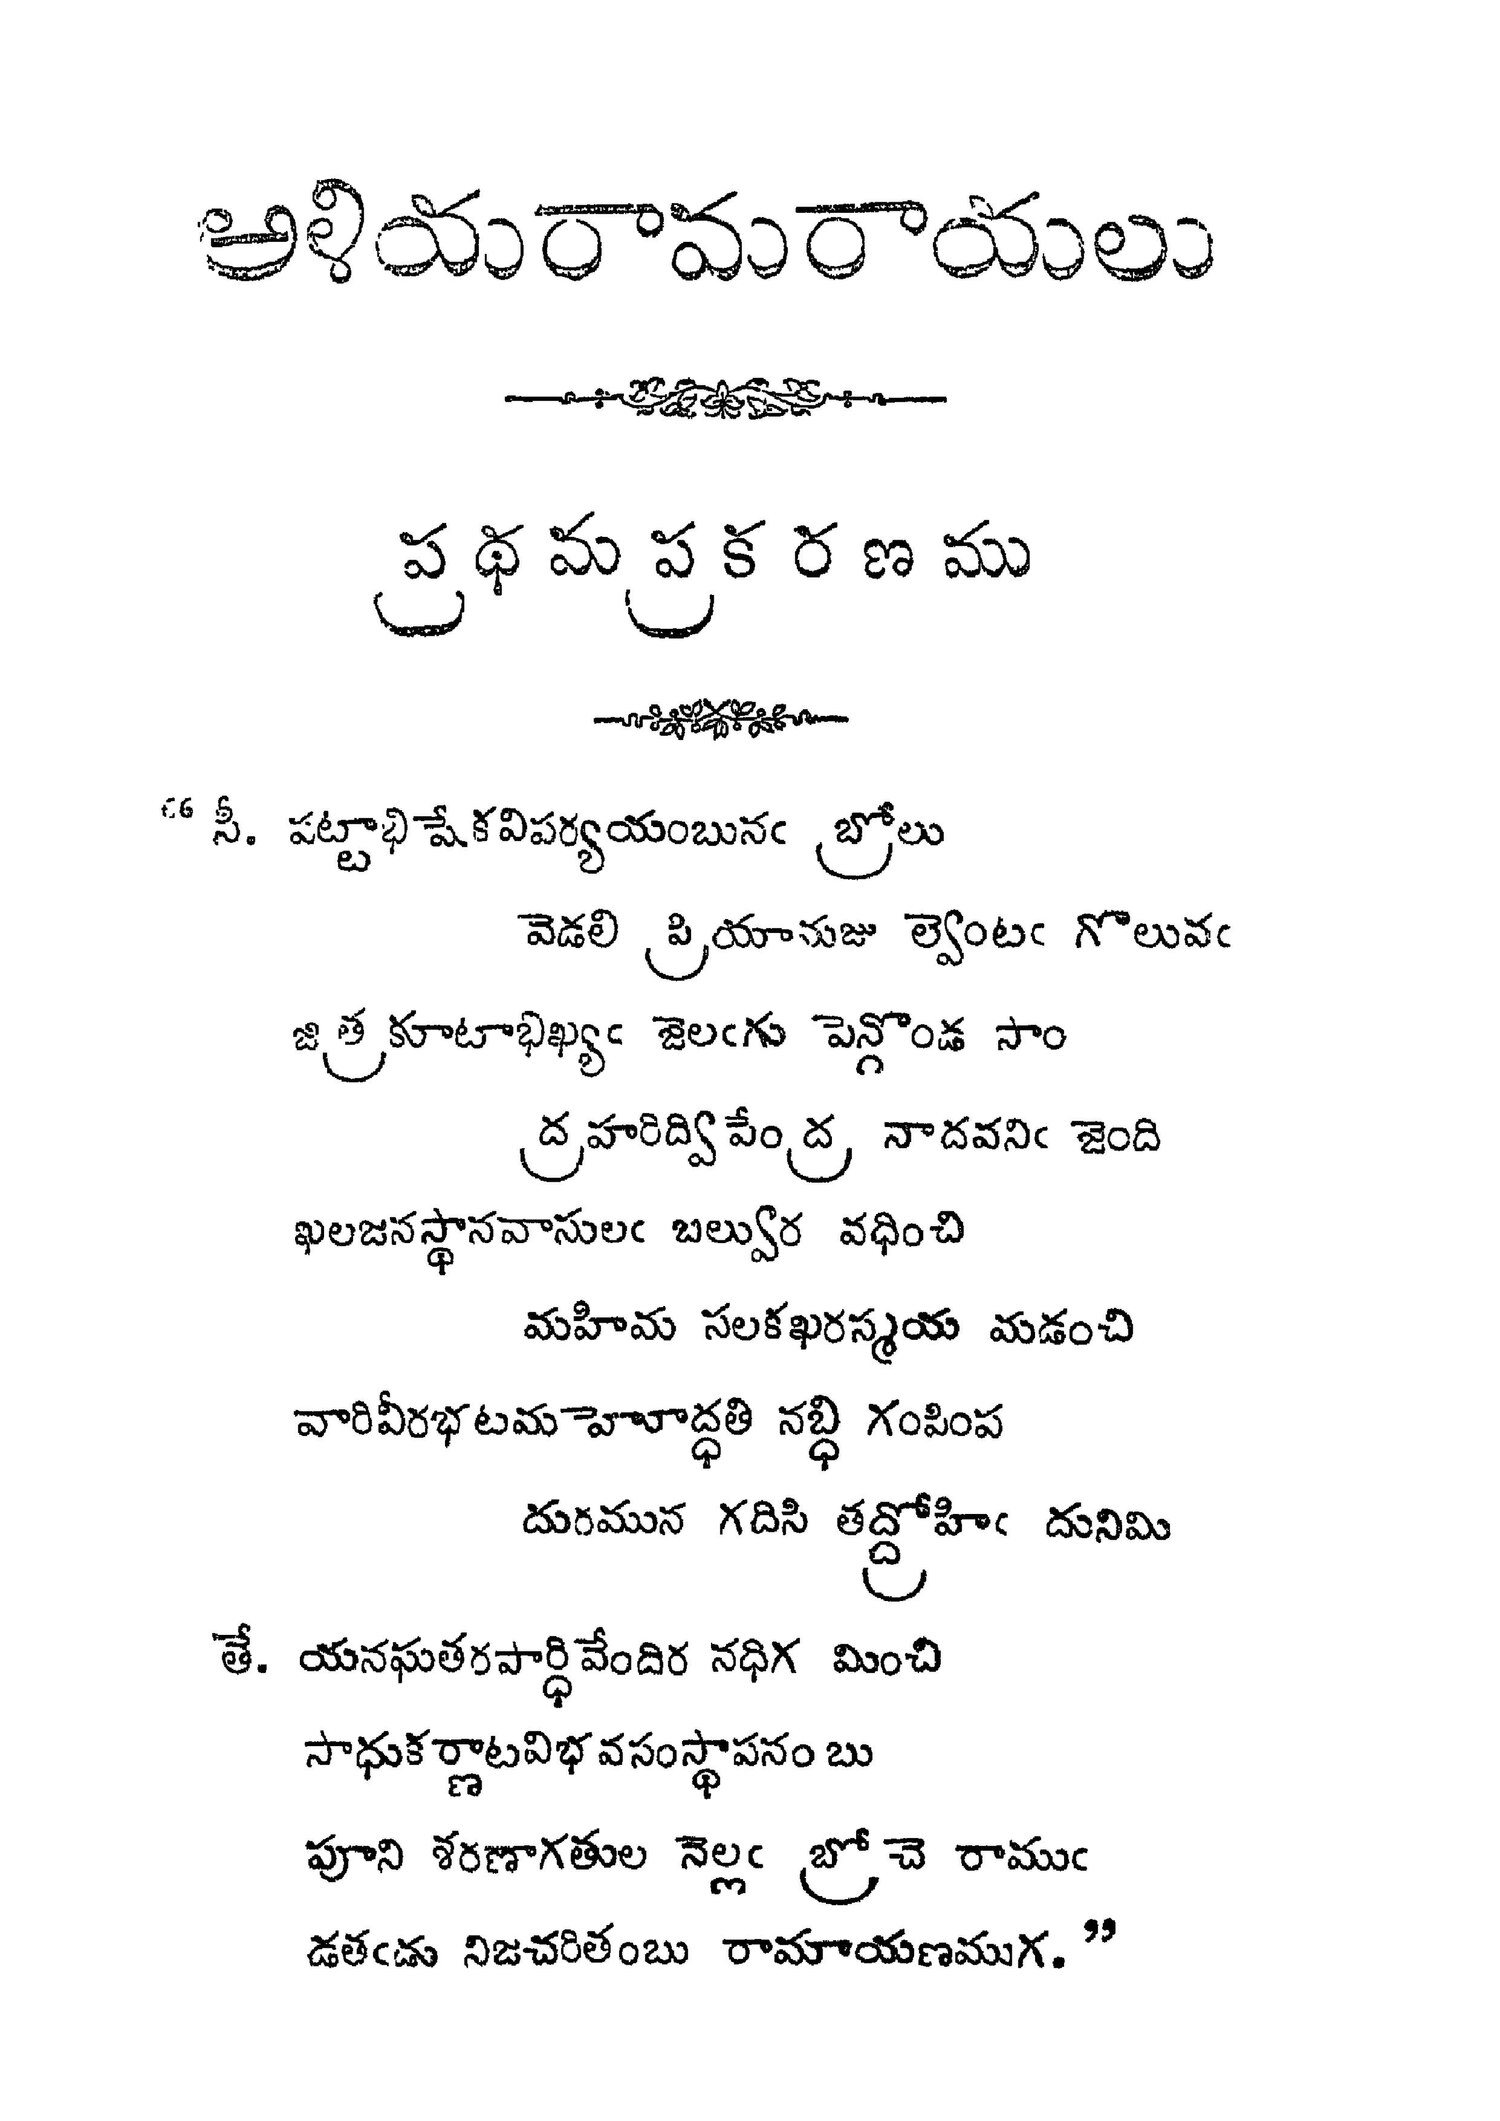"సీ. పట్టాభిషేకవిపర్యయంబునఁ బ్రోలు
 వెడలి ప్రియానుజు ల్వెంటఁ గొలువఁ
 జిత్రకూటాభిఖ్యఁ జెలఁగు పెన్గొండ సాం
 ద్రహరిద్విపేంద్ర నాదవనిఁ జెంది
 ఖలజనస్థానవాసులఁ బల్వుర వధించి
 మహిమ సలకఖరన్మయ మడంచి
 వారివీరభటమహోద్ధతి నబ్ధి గంపింప
 దురమున గదిసి తద్ద్రోహిఁ దునిమి

తే. యనఘతరపార్ధివేందిర నధిగ మించి
 సాధుకర్ణాటవిభవసంస్థాపనం బు
 పూని శరణాగతుల నెల్లఁ బ్రోచె రాముఁ
 డతఁడు నిజచరితంబు రామాయణముగ."